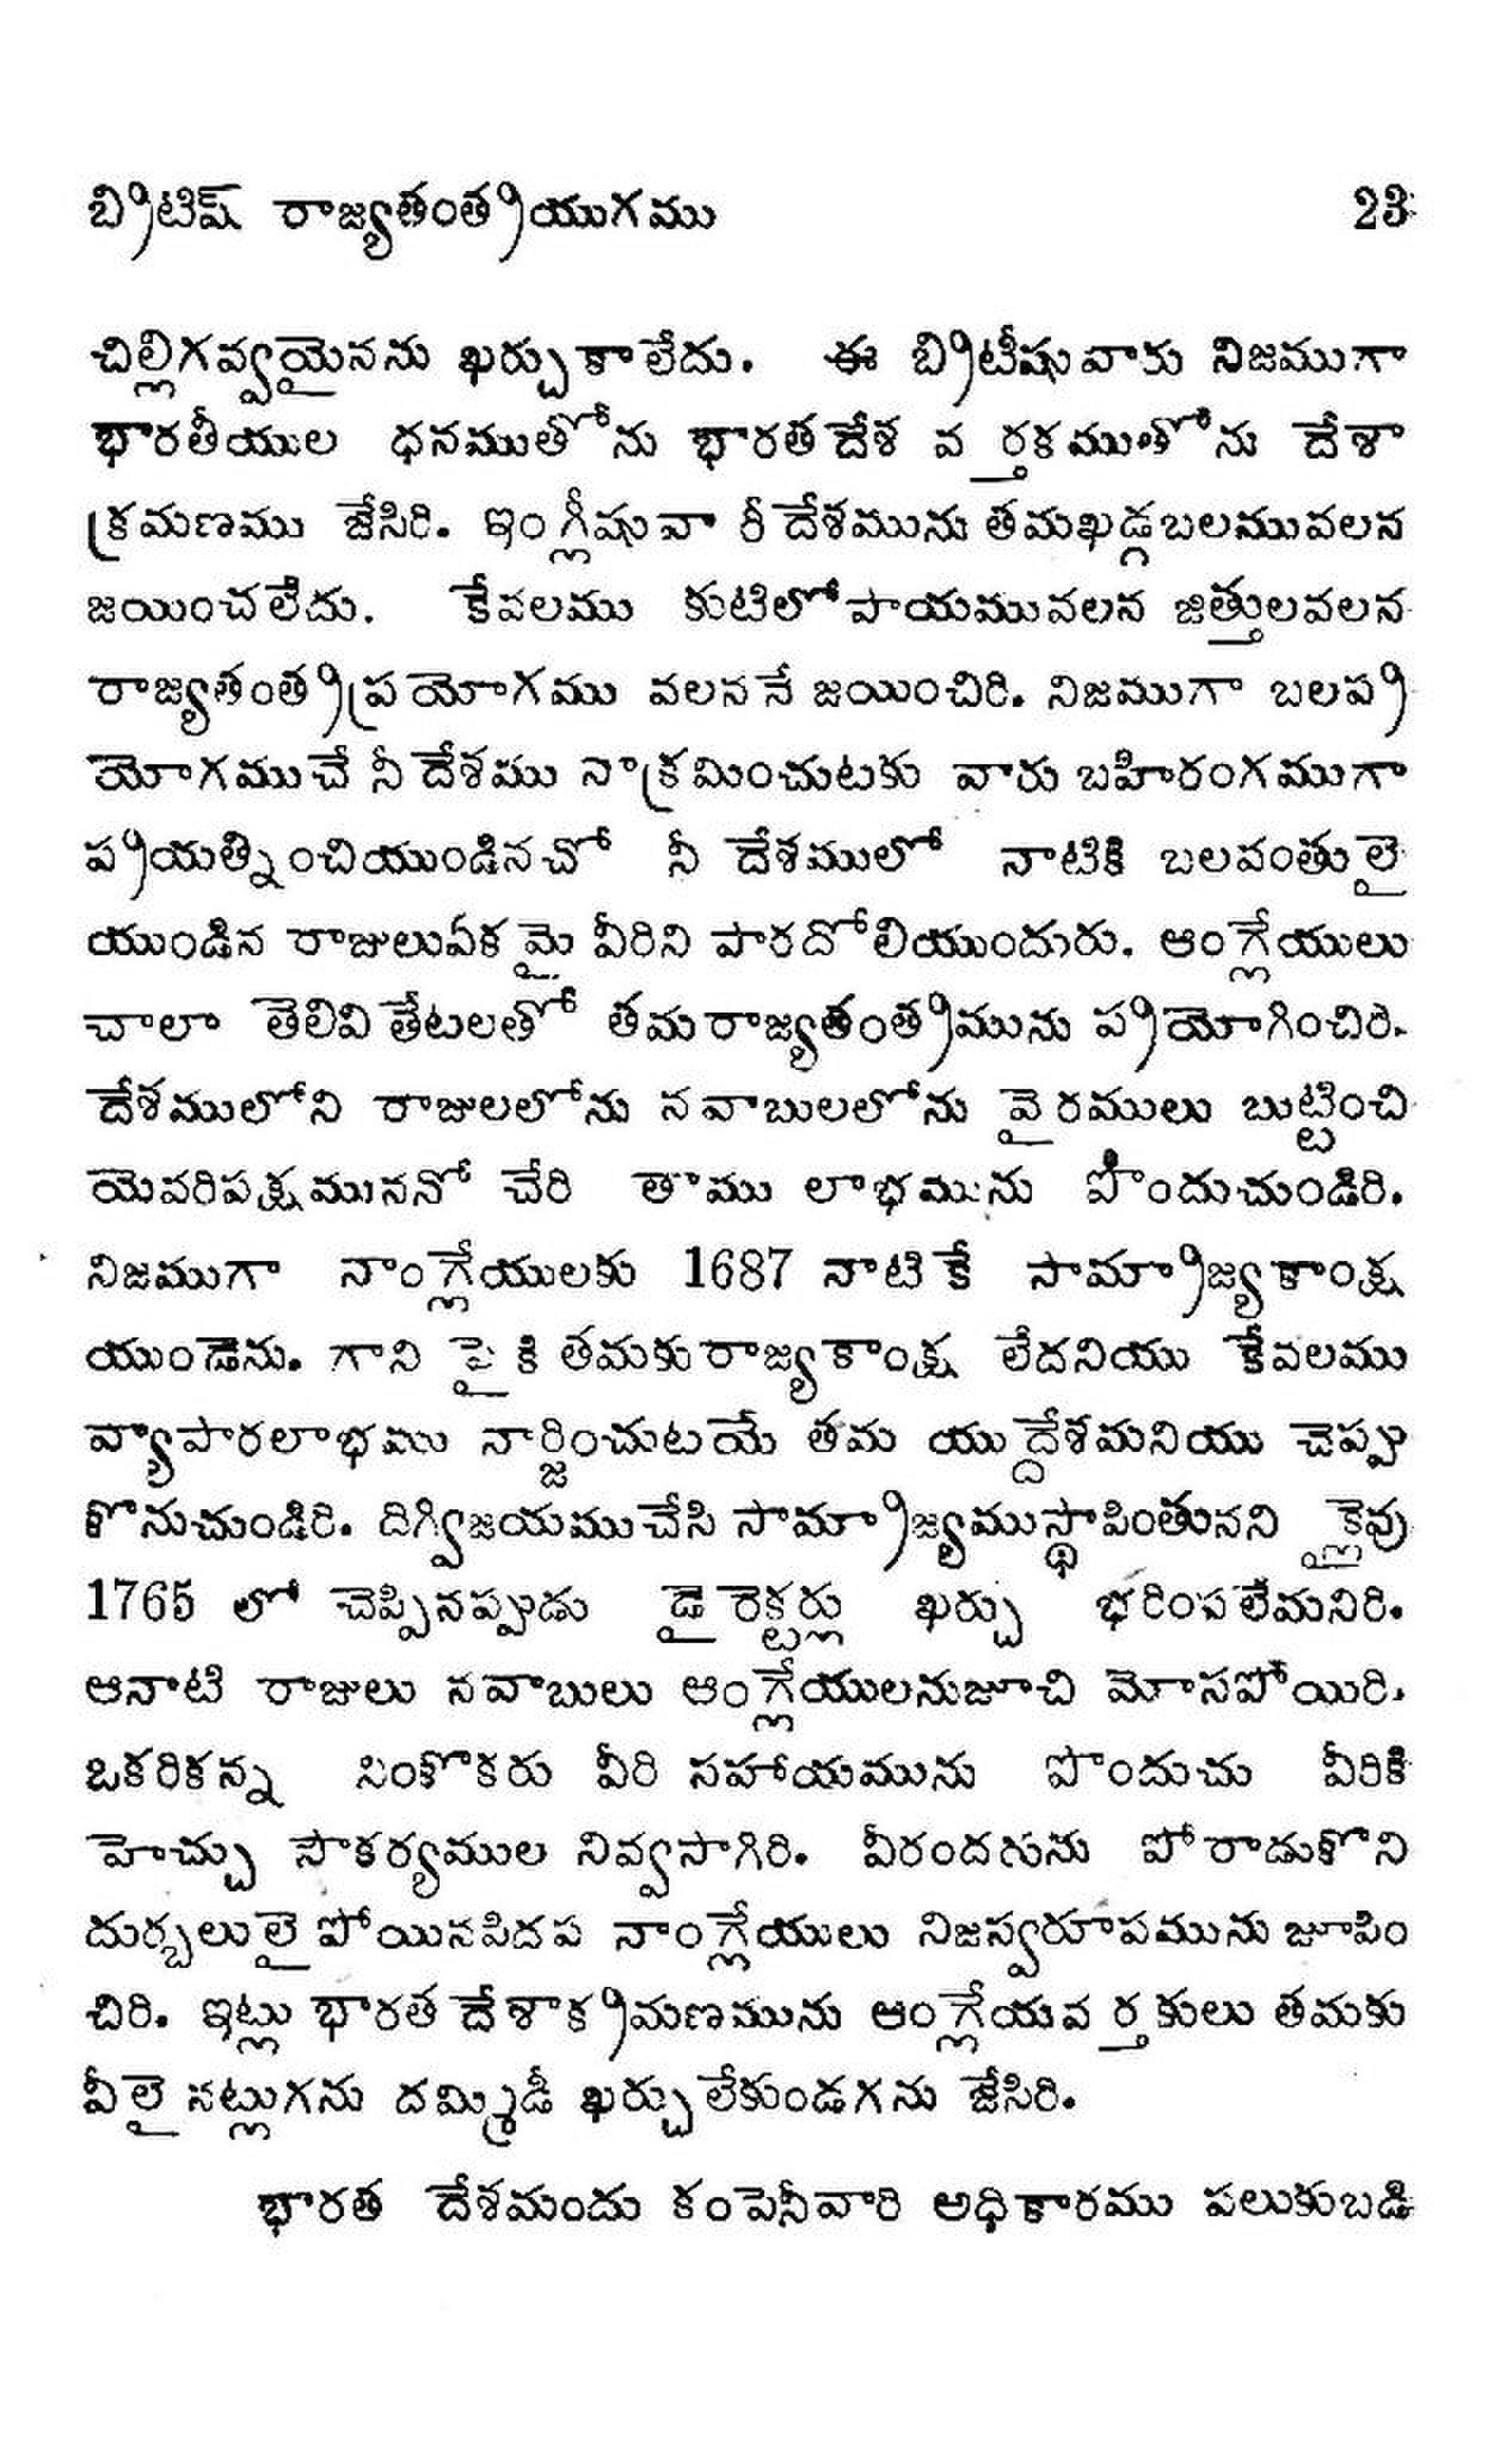చిల్లిగవ్వయైనను ఖర్చుకాలేదు. ఈ బ్రిటీషువారు నిజముగా భారతీయుల ధనముతోను భారతదేశ వర్తకముతోను దేశాక్రమణము జేసిరి. ఇంగ్లీషువా రీదేశమును తమఖడ్గబలమువలన జయించలేదు. కేవలము కుటిలోపాయమువలన జిత్తులవలన రాజ్యతంత్రప్రయోగము వలననే జయించిరి. నిజముగా బలప్రయోగముచే నీదేశము నాక్రమించుటకు వారు బహిరంగముగా ప్రయత్నించియుండినచో నీ దేశములో నాటికి బలవంతులై యుండిన రాజులుఏకమై వీరిని పారదోలియుందురు. ఆంగ్లేయులు చాలా తెలివితేటలతో తమరాజ్యతంత్రమును ప్రయోగించిరి. దేశములోని రాజులలోను నవాబులలోను వైరములు బుట్టించి యెవరిపక్షముననో చేరి తాము లాభమును పొందుచుండిరి. నిజముగా నాంగ్లేయులకు 1687 నాటికే సామ్రాజ్యకాంక్ష యుండెను. గాని పైకి తమకురాజ్యకాంక్ష లేదనియు కేవలము వ్యాపారలాభము నార్జించుటయే తమ యుద్దేశమనియు చెప్పుకొనుచుండిరి. దిగ్విజయముచేసి సామ్రాజ్యము స్థాపింతునని క్లైవు 1765 లో చెప్పినప్పుడు డైరెక్టర్లు ఖర్చు భరింపలేమనిరి. ఆనాటి రాజులు నవాబులు ఆంగ్లేయులనుజూచి మోసపోయిరి, ఒకరికన్న నింకొకరు వీరి సహాయమును పొందుచు వీరికి హెచ్చు సౌకర్యముల నివ్వసాగిరి. వీరందరును పోరాడుకొని దుర్బలులై పోయినపిదప నాంగ్లేయులు నిజస్వరూపమును జూపించిరి. ఇట్లు భారత దేశాక్రమణమును ఆంగ్లేయవర్తకులు తమకు వీలైనట్లుగను దమ్మిడీ ఖర్చు లేకుండగను జేసిరి.

భారత దేశమందు కంపెనీ వారి అధికారము పలుకుబడి